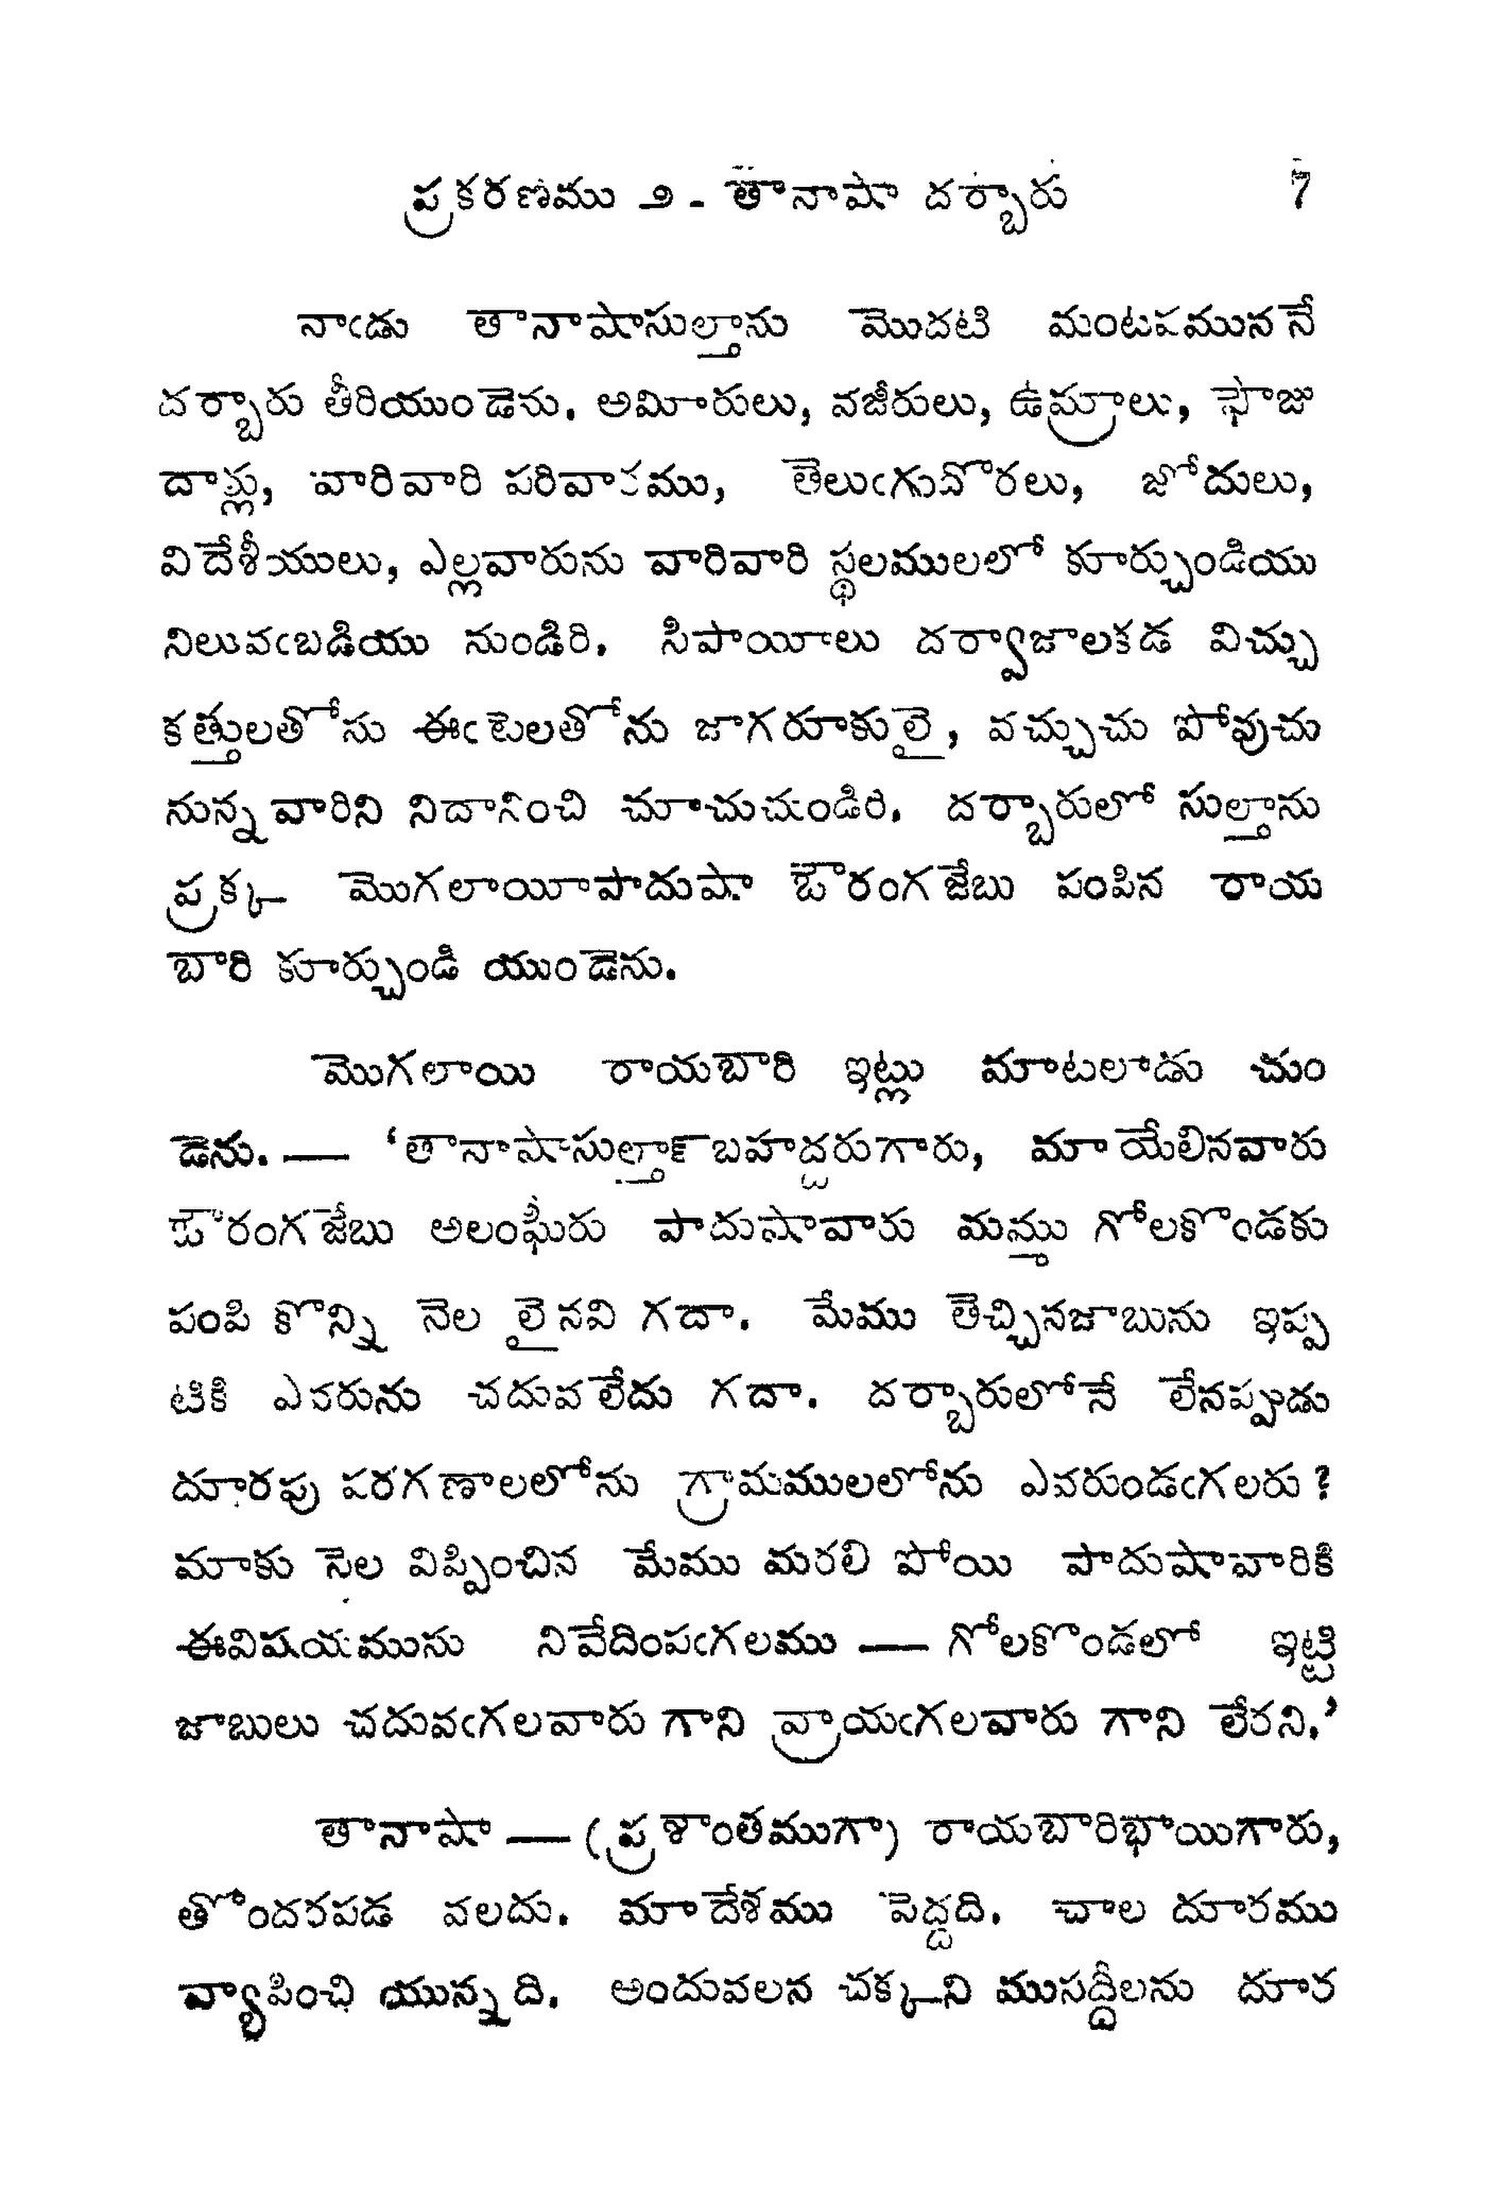నాఁడు తానాషాసుల్తాను మొదటి మంటపముననే దర్బారు తీరియుండెను. అవిూరులు, వజీరులు, ఉమ్రాలు, ఫౌజుదార్లు, వారివారి పరివారము, తెలుఁగుదొరలు, జోదులు, విదేశీయులు, ఎల్లవారును వారివారి స్థలములలో కూర్చుండియు నిలువఁబడియు నుండిరి. సిపాయీలు దర్వాజాలకడ విచ్చుకత్తులతోను ఈఁటెలతోను జాగరూకులై, వచ్చుచు పోవుచు నున్నవారిని నిదానించి చూచుచుండిరి. దర్బారులో సుల్తాను ప్రక్క మొగలాయీపాదుషా ఔరంగజేబు పంపిన రాయబారి కూర్చుండి యుండెను.

మొగలాయి రాయబారి ఇట్లు మాటలాడు చుండెను. ― ‘తానాషాసుల్తాౝబహద్దరుగారు, మాయేలినవారు ఔరంగజేబు అలంఘీరు పాదుషావారు మమ్ము గోలకొండకు పంపి కొన్ని నెల లైనవి గదా. మేము తెచ్చినజాబును ఇప్పటికి ఎవరును చదువలేదు గదా. దర్బారులోనే లేనప్పుడు దూరపు పరగణాలలోను గ్రామములలోను ఎవరుండఁగలరు? మాకు సెల విప్పించిన మేము మరలి పోయి పాదుషావారికి ఈవిషయమును నివేదింపఁగలము—గోలకొండలో ఇట్టి జాబులు చదువఁగలవారు గాని వ్రాయఁగలవారు గాని లేరని.’

తానాషా ― (ప్రశాంతముగా) రాయబారిభాయిగారు, తొందరపడ వలదు. మాదేశము పెద్దది. చాల దూరము వ్యాపించి యున్నది. అందువలన చక్కని ముసద్దీలను దూర